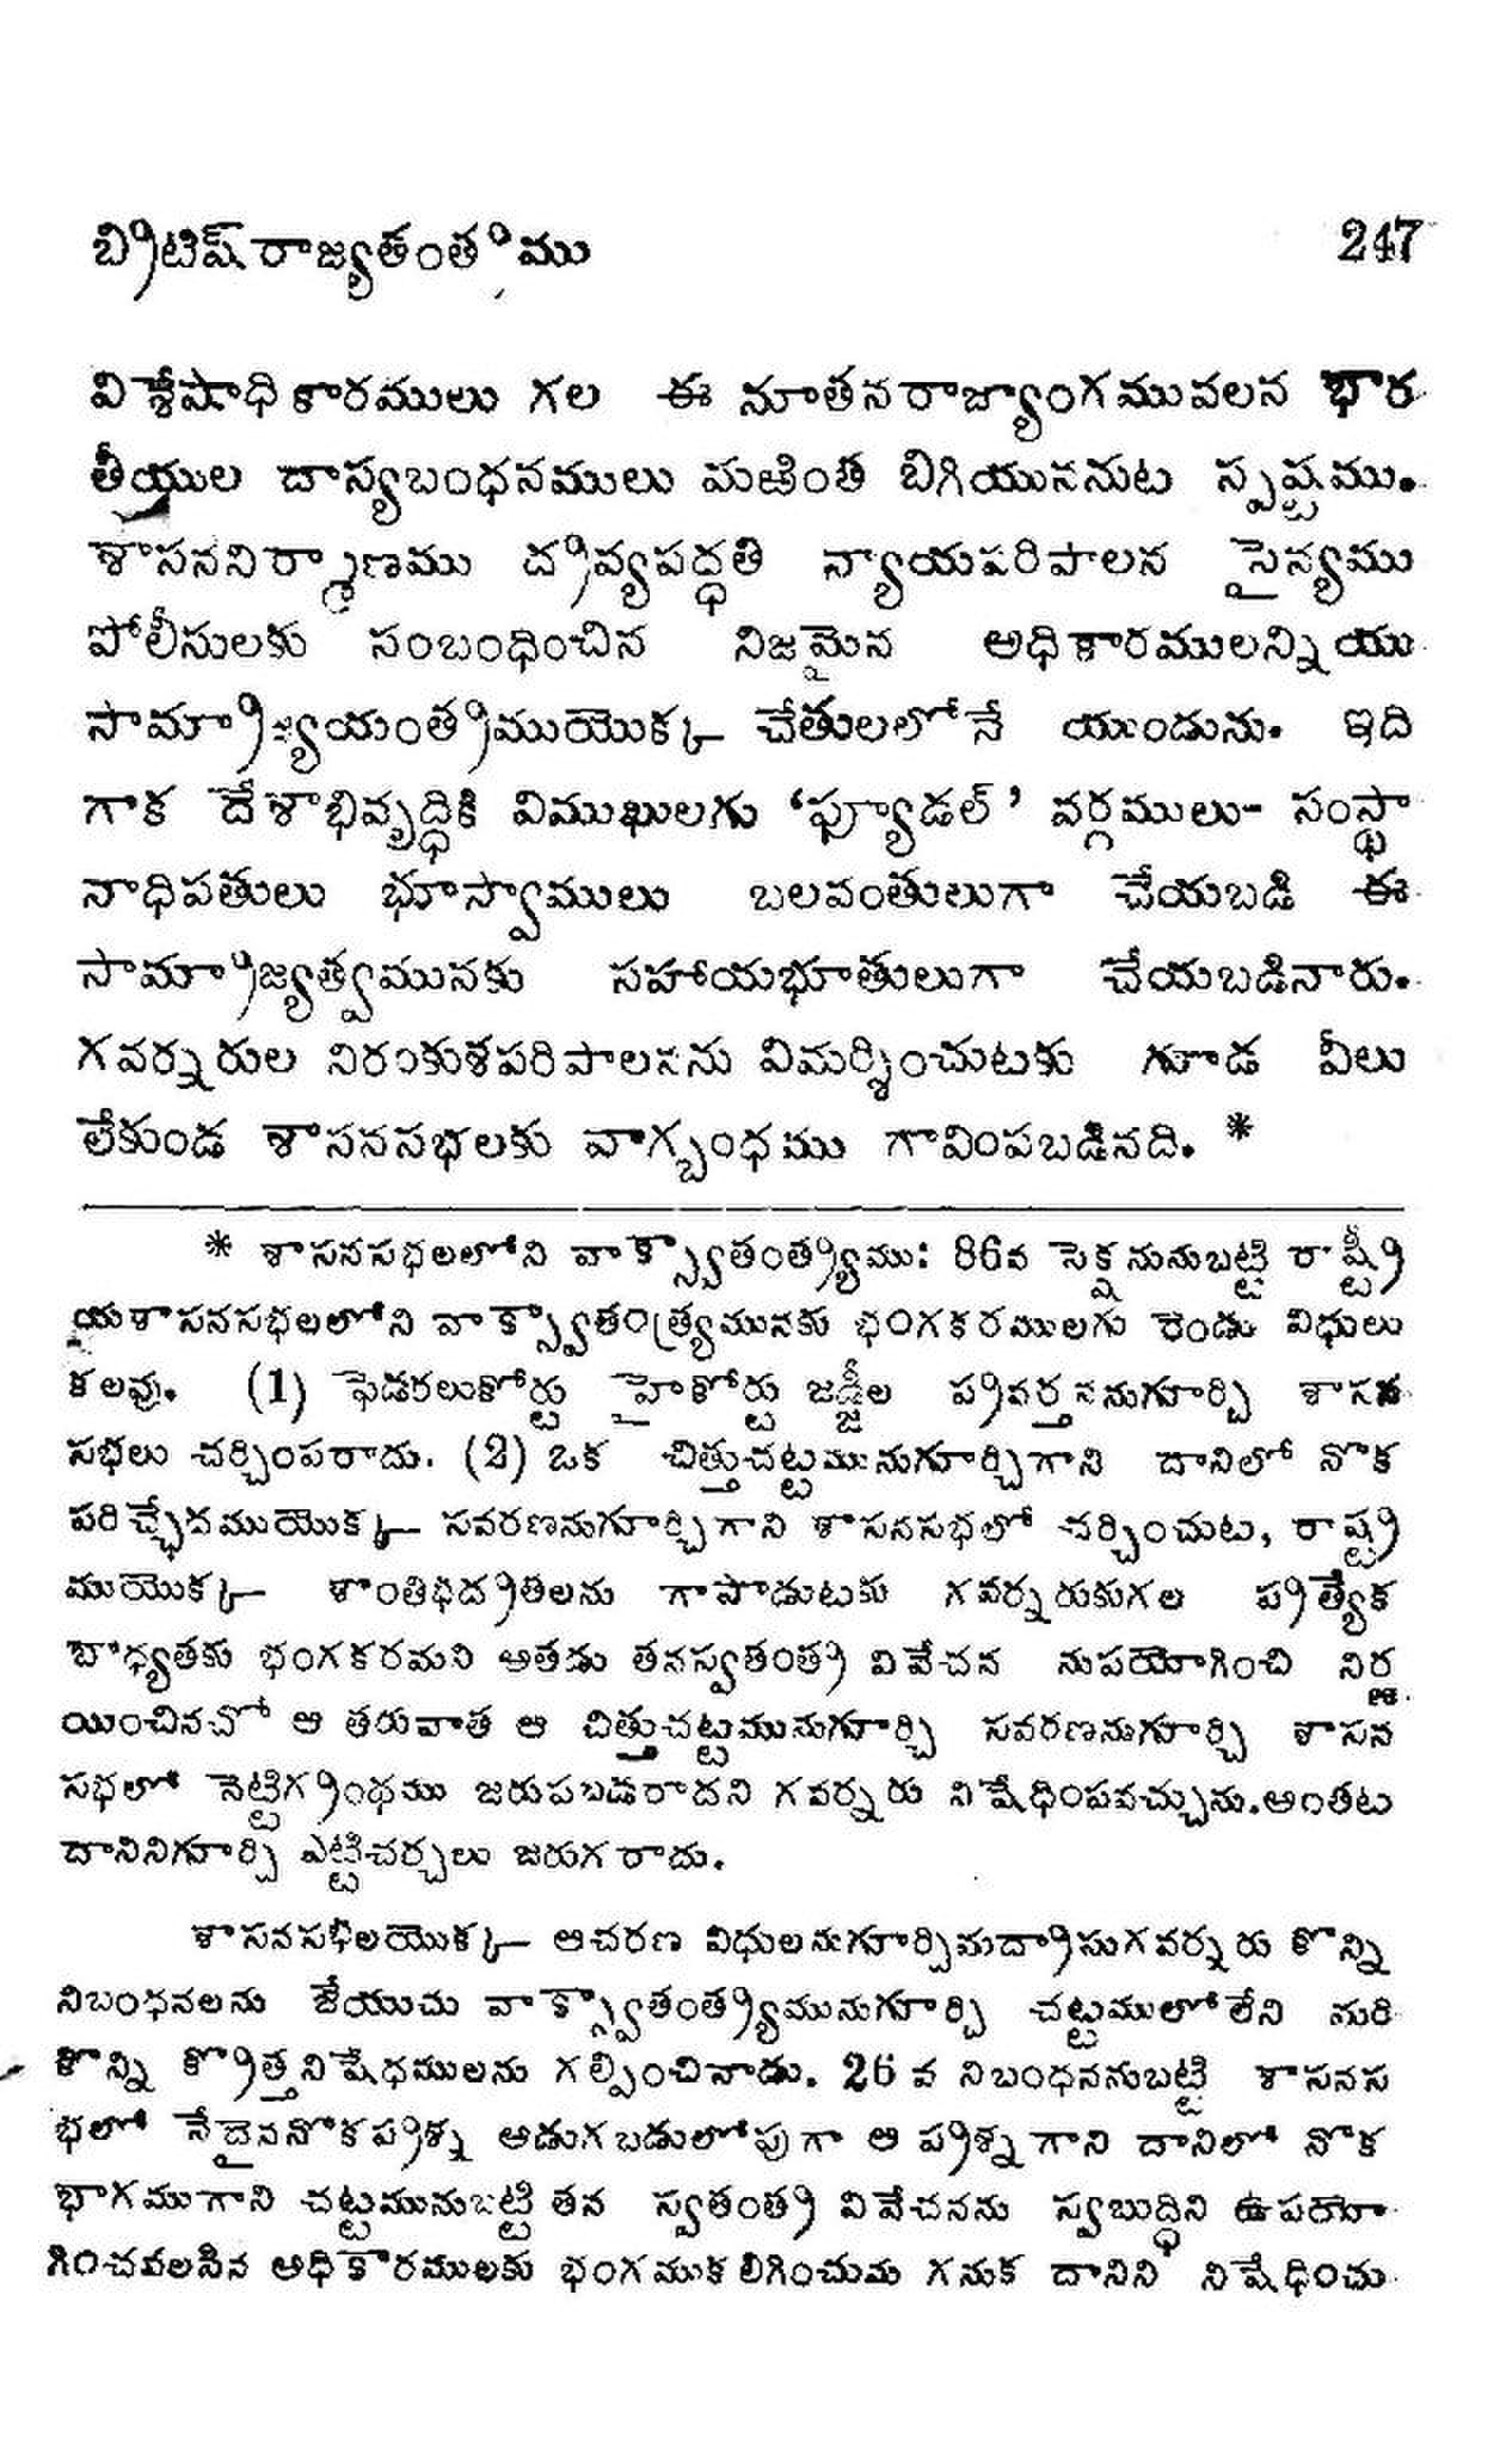విశేషాధికారములు గల ఈ నూతనరాజ్యాంగమువలన భారతీయుల దాస్యబంధనములు మఱింత బిగియుననుట స్పష్టము. శాసననిర్మాణము ద్రవ్యపద్ధతి న్యాయపరిపాలన సైన్యము పోలీసులకు సంబంధించిన నిజమైన అధికారములన్నియు సామ్రాజ్యయంత్రముయొక్క చేతులలోనే యుండును. ఇదిగాక దేశాభివృద్ధికి విముఖులగు 'ఫ్యూడల్ ' వర్గములు - సంస్థానాధిపతులు భూస్వాములు బలవంతులుగా చేయబడి ఈ సామ్రాజ్యత్వమునకు సహాయభూతులుగా చేయబడినారు. గవర్నరుల నిరంకుశపరిపాలనను విమర్శించుటకు గూడ వీలులేకుండ శాసనసభలకు వాగ్బంధము గావింపబడినది.
.